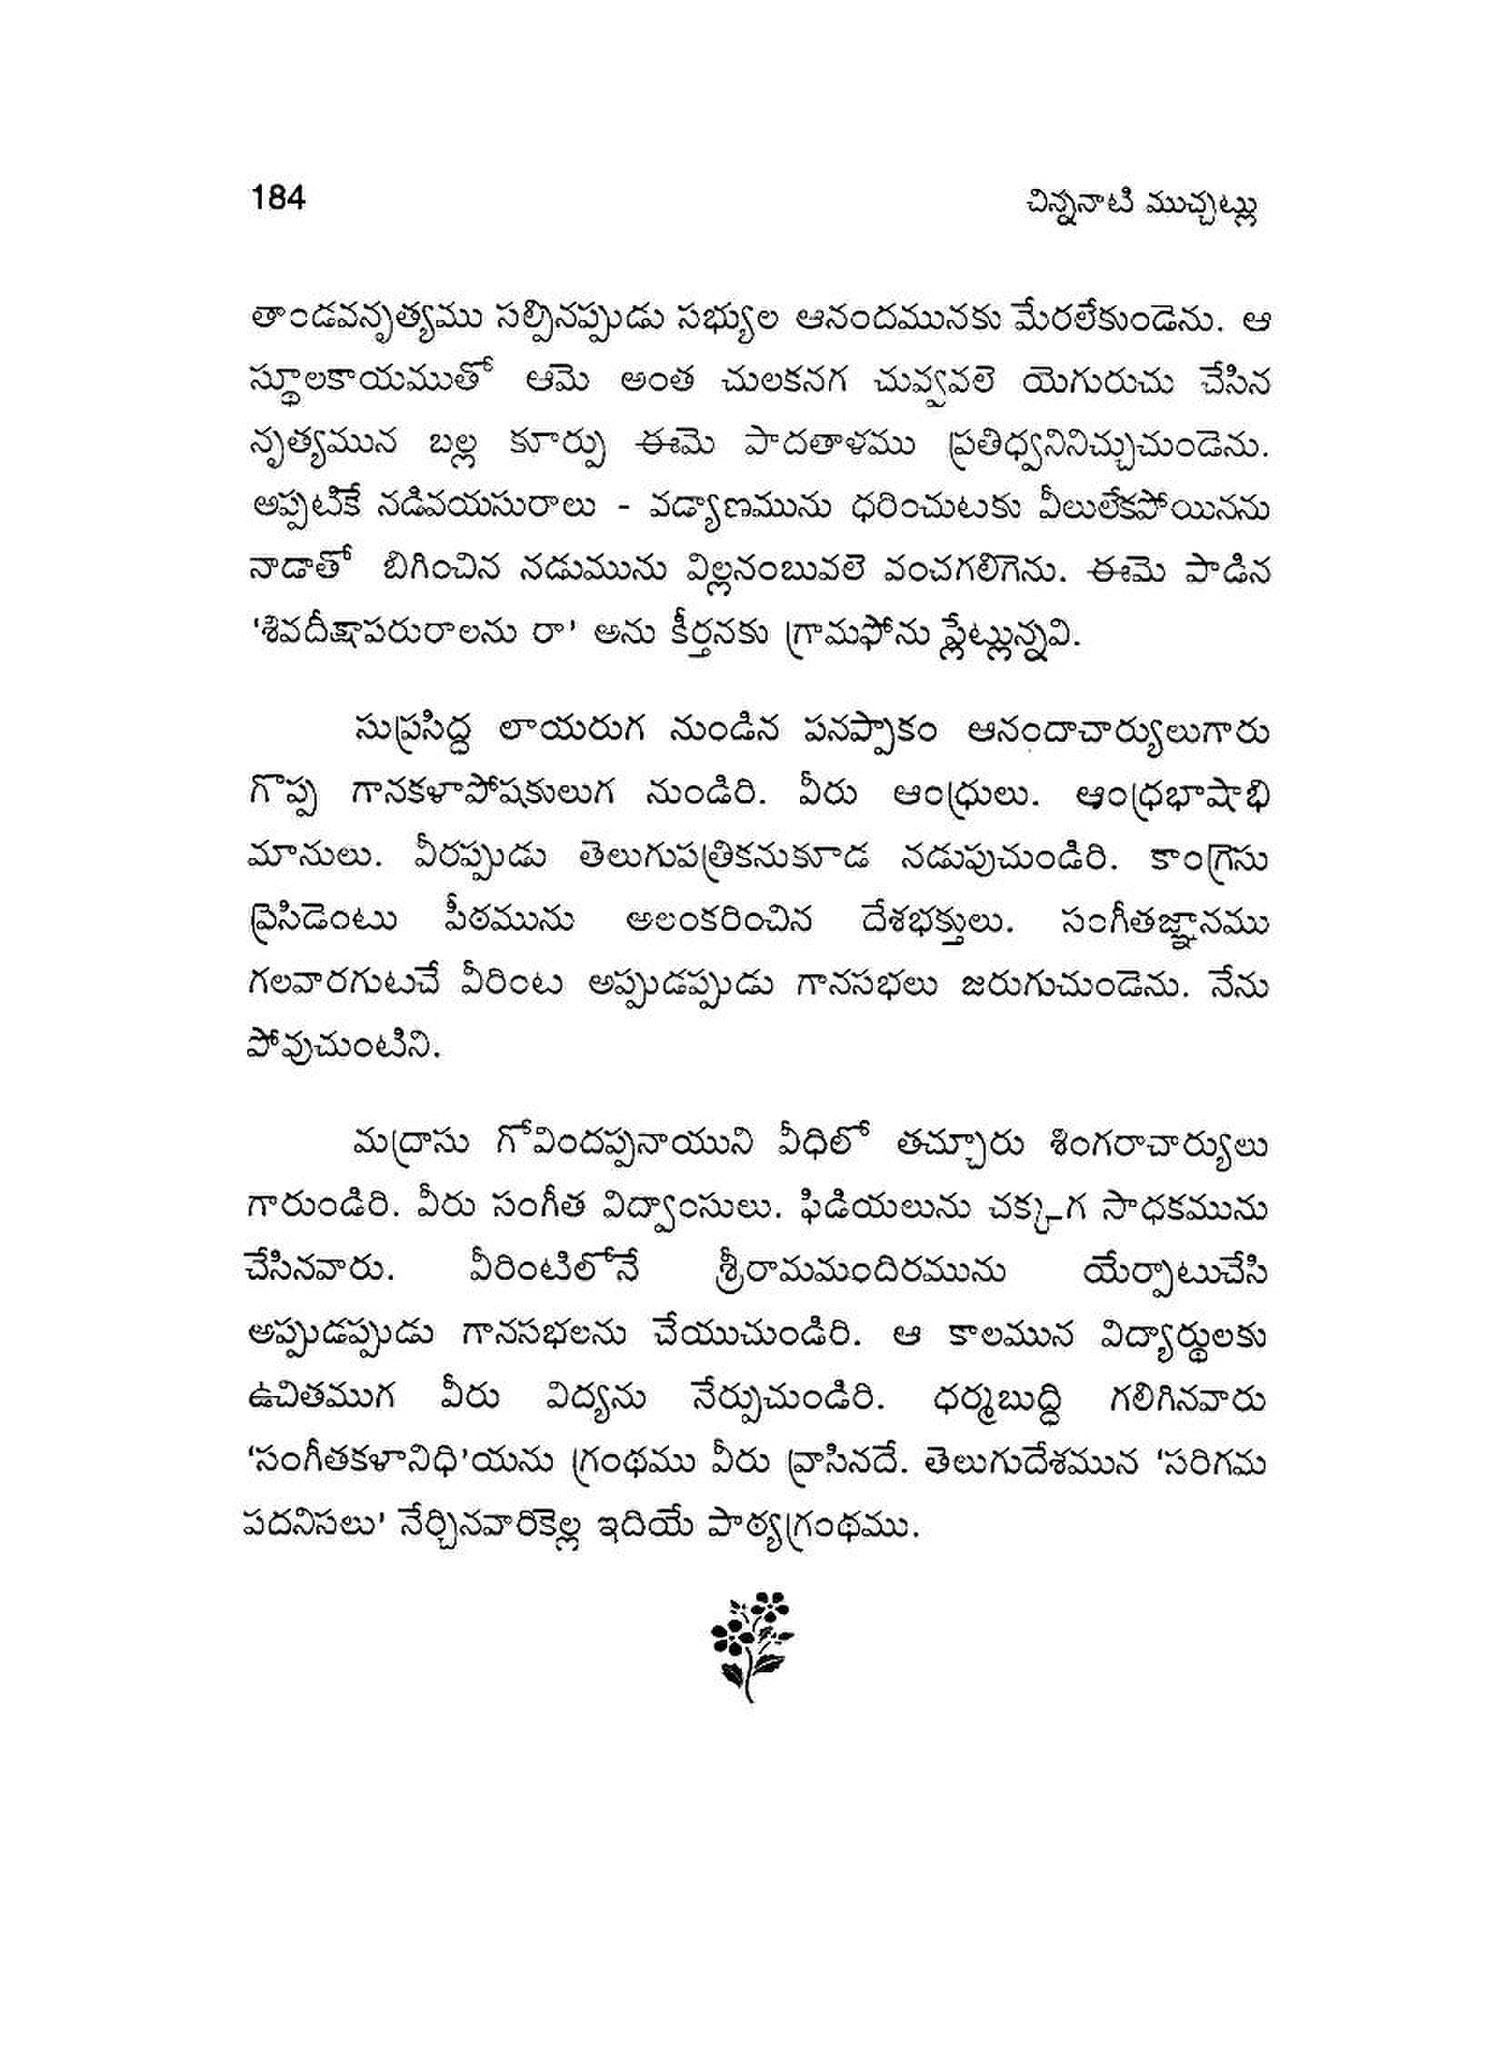తాండవనృత్యము సల్పినప్పుడు సభ్యుల ఆనందమునకు మేరలేకుండెను. ఆ స్థూలకాయముతో ఆమె అంత చులకనగ చువ్వవలె యెగురుచు చేసిన నృత్యమున బల్ల కూర్పు ఈమె పాదతాళము ప్రతిధ్వనినిచ్చుచుండెను. అప్పటికే నడివయసురాలు - వడ్యాణమును ధరించుటకు వీలులేకపోయినను నాడాతో బిగించిన నడుమును విల్లనంబువలె వంచగలిగెను. ఈమె పాడిన 'శివదీక్షాపరురాలను రా' అను కీర్తనకు గ్రామఫోను ప్లేట్లున్నవి.

సుప్రసిద్ద లాయరుగ నుండిన పనప్పాకం ఆనందాచార్యులుగారు గొప్ప గానకళాపోషకులుగ నుండిరి. వీరు ఆంధ్రులు. ఆంధ్రభాషాభిమానులు. వీరప్పుప్పుడు తెలుగుపత్రికను కూడ నడుపుచుండిరి. కాంగ్రెసు ప్రెసిడెంటు పీఠమును అలంకరించిన దేశభక్తులు. సంగీతజ్ఞానము గలవారగుటచే వీరింట అప్పుడప్పుడు గానసభలు జరుగుచుండెను. నేను పోవుచుంటిని.

మద్రాసు గోవిందప్పనాయుని వీధిలో తచ్చూరు శింగరాచార్యులు గారుండిరి. వీరు సంగీత విద్వాంసులు. ఫిడియలును చక్కగ సాధకమును చేసినవారు. వీరింటిలోనే శ్రీరామమందిరమును యేర్పాటుచేసి అప్పుడప్పుడు గానసభలను చేయుచుండిరి. ఆ కాలమున విద్యార్థులకు ఉచితముగ వీరు విద్యను నేర్చుచుండిరి. ధర్మబుద్ధి గలిగినవారు 'సంగీతకళానిధి'యను గ్రంథము వీరు వ్రాసినదే. తెలుగుదేశమున 'సరిగమ పదనిసలు' నేర్చినవారికెల్ల ఇదియే పాఠ్యగ్రంథము.